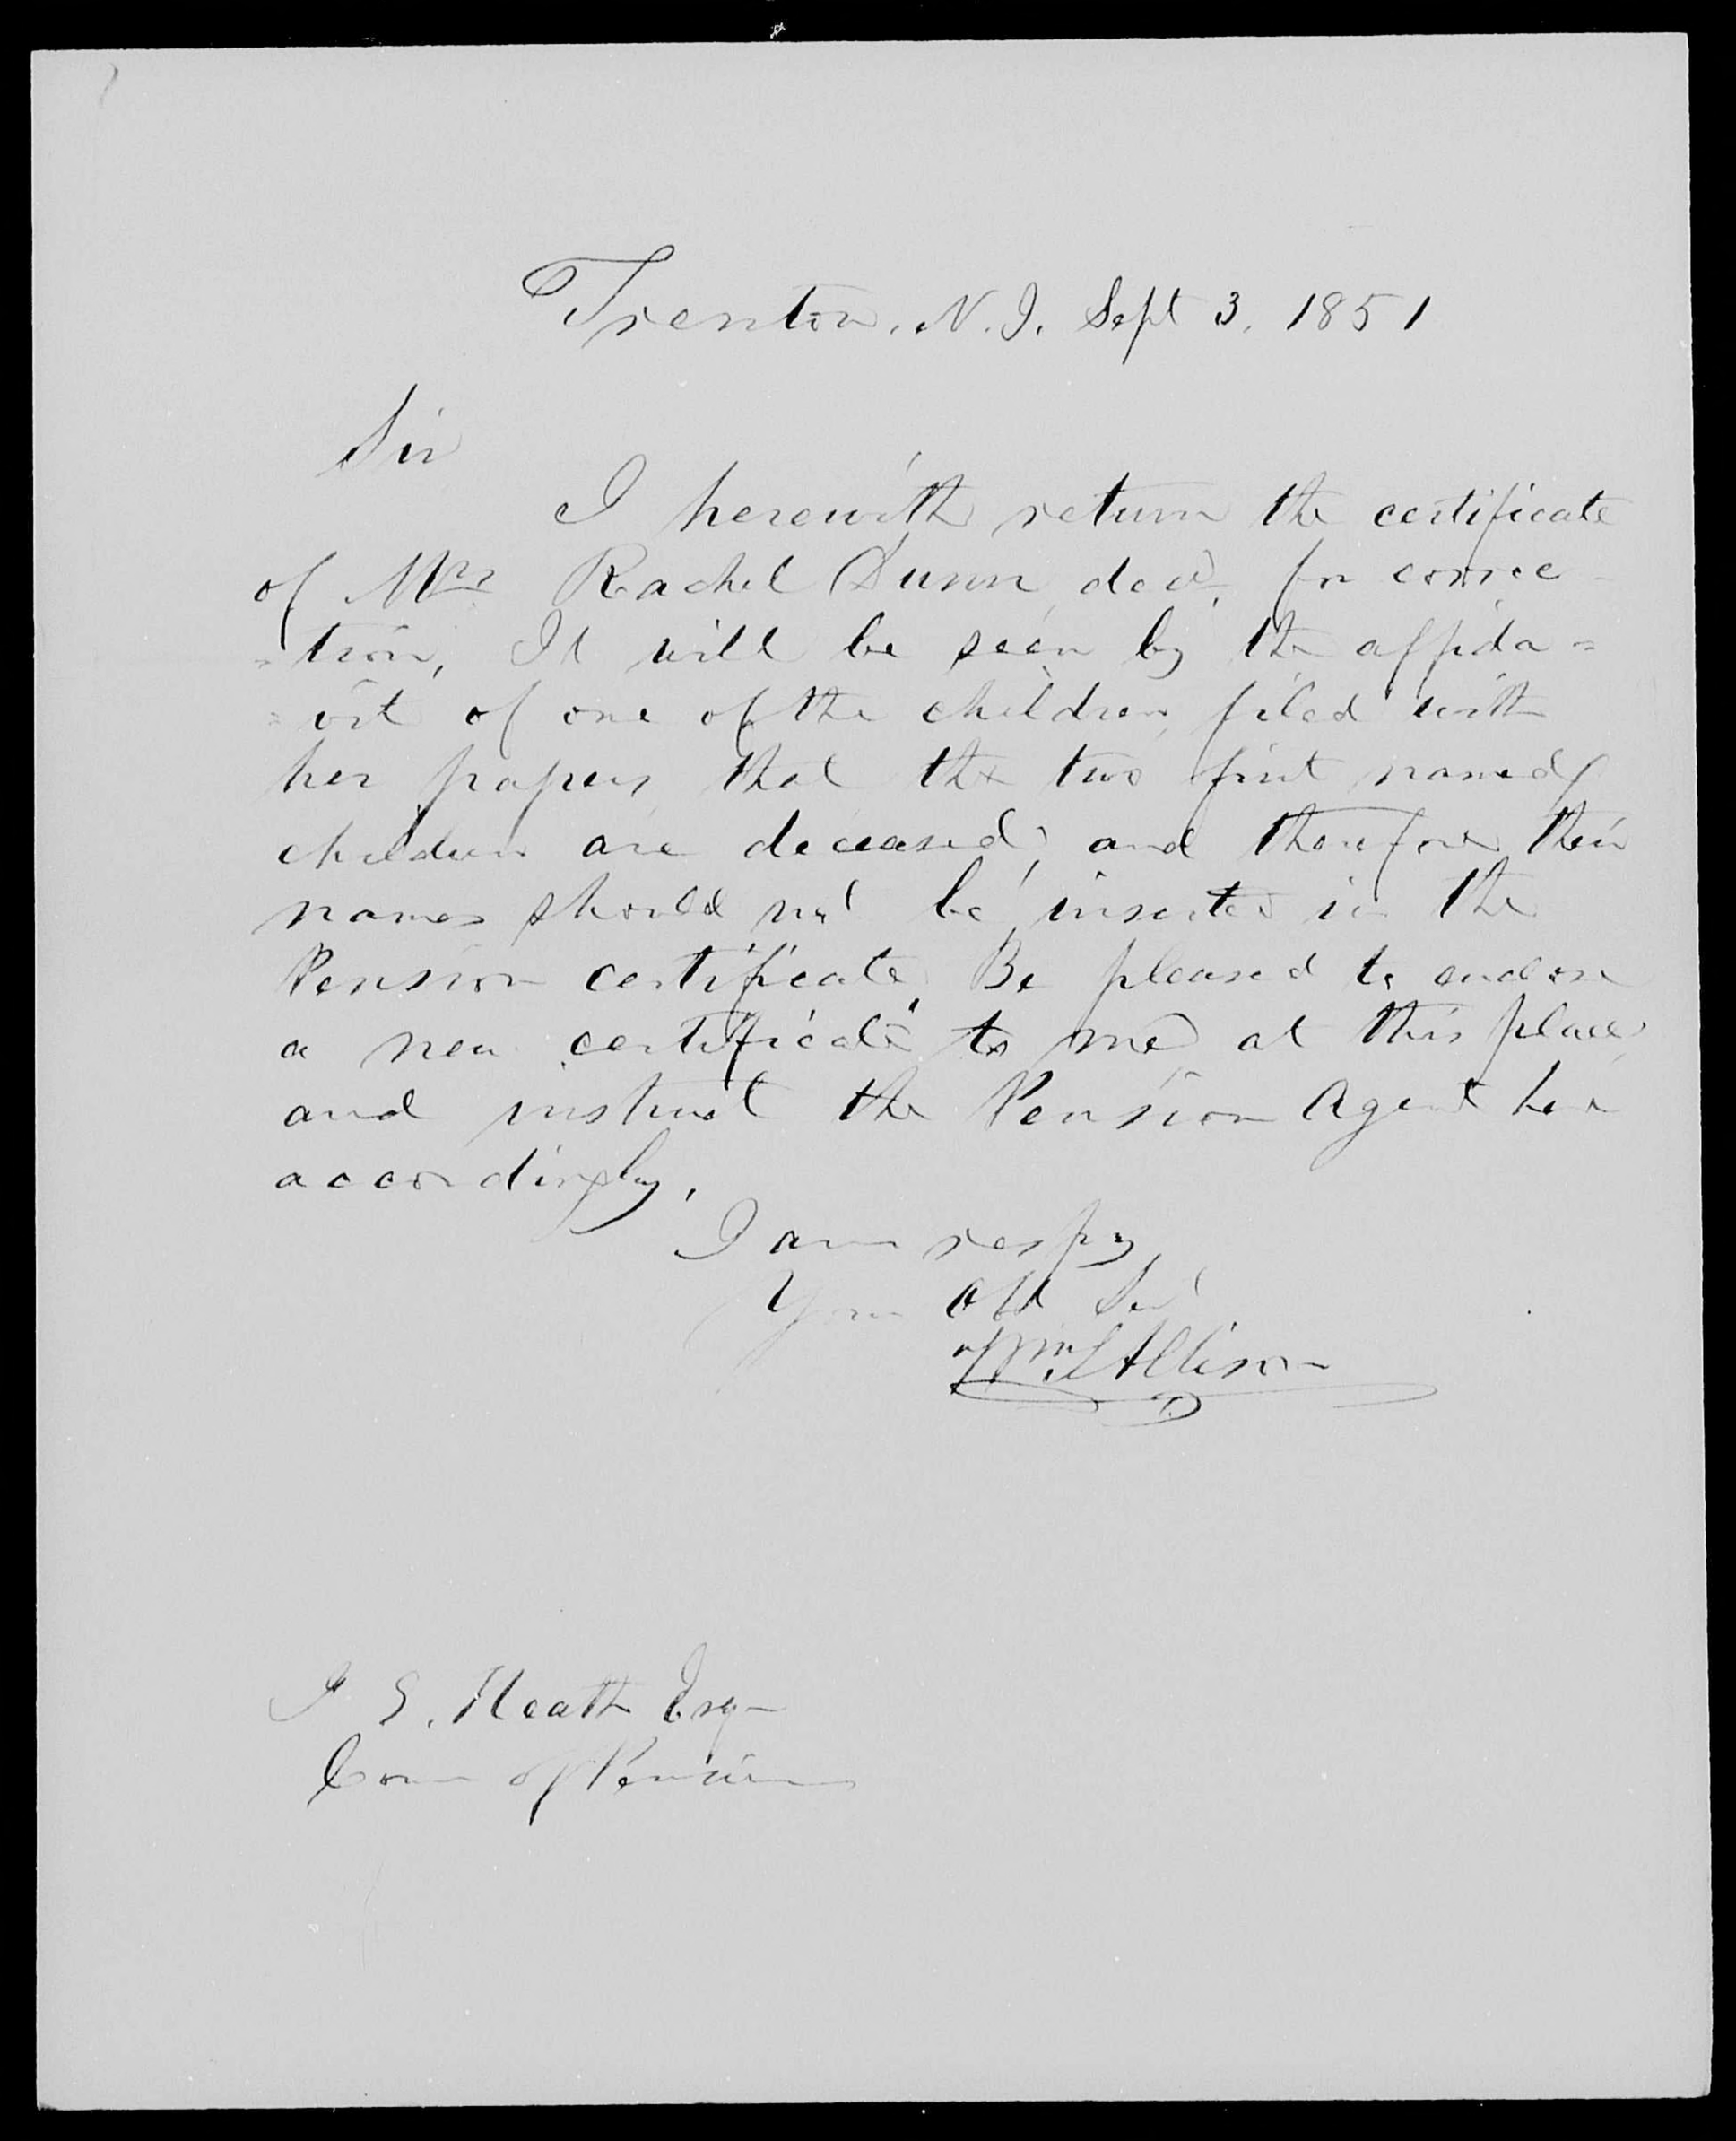Trenton, N.J. Sept 3. 1851

Sir
I herewith return the certificate
of Mrs Rachel Dunn dec. for 
correction. It will be seen by the affidavit of one of the children filed with
her papers that the two first named
children are deceased, and therefore their
names should not be inserted in the
Pension certificate. Be pleased to
enclose 
a new certificate to me at this place
and instruct the Pension Agent here
accordingly.

I am resp
Your agt 
Wm S Allison

J S Heath Esq.
Comm of Pensions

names: J S Heath, Wm S Allison, Rachel Dunn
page: 46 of 52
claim: widow's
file: W. 919, Joel Dunn, New Jersey